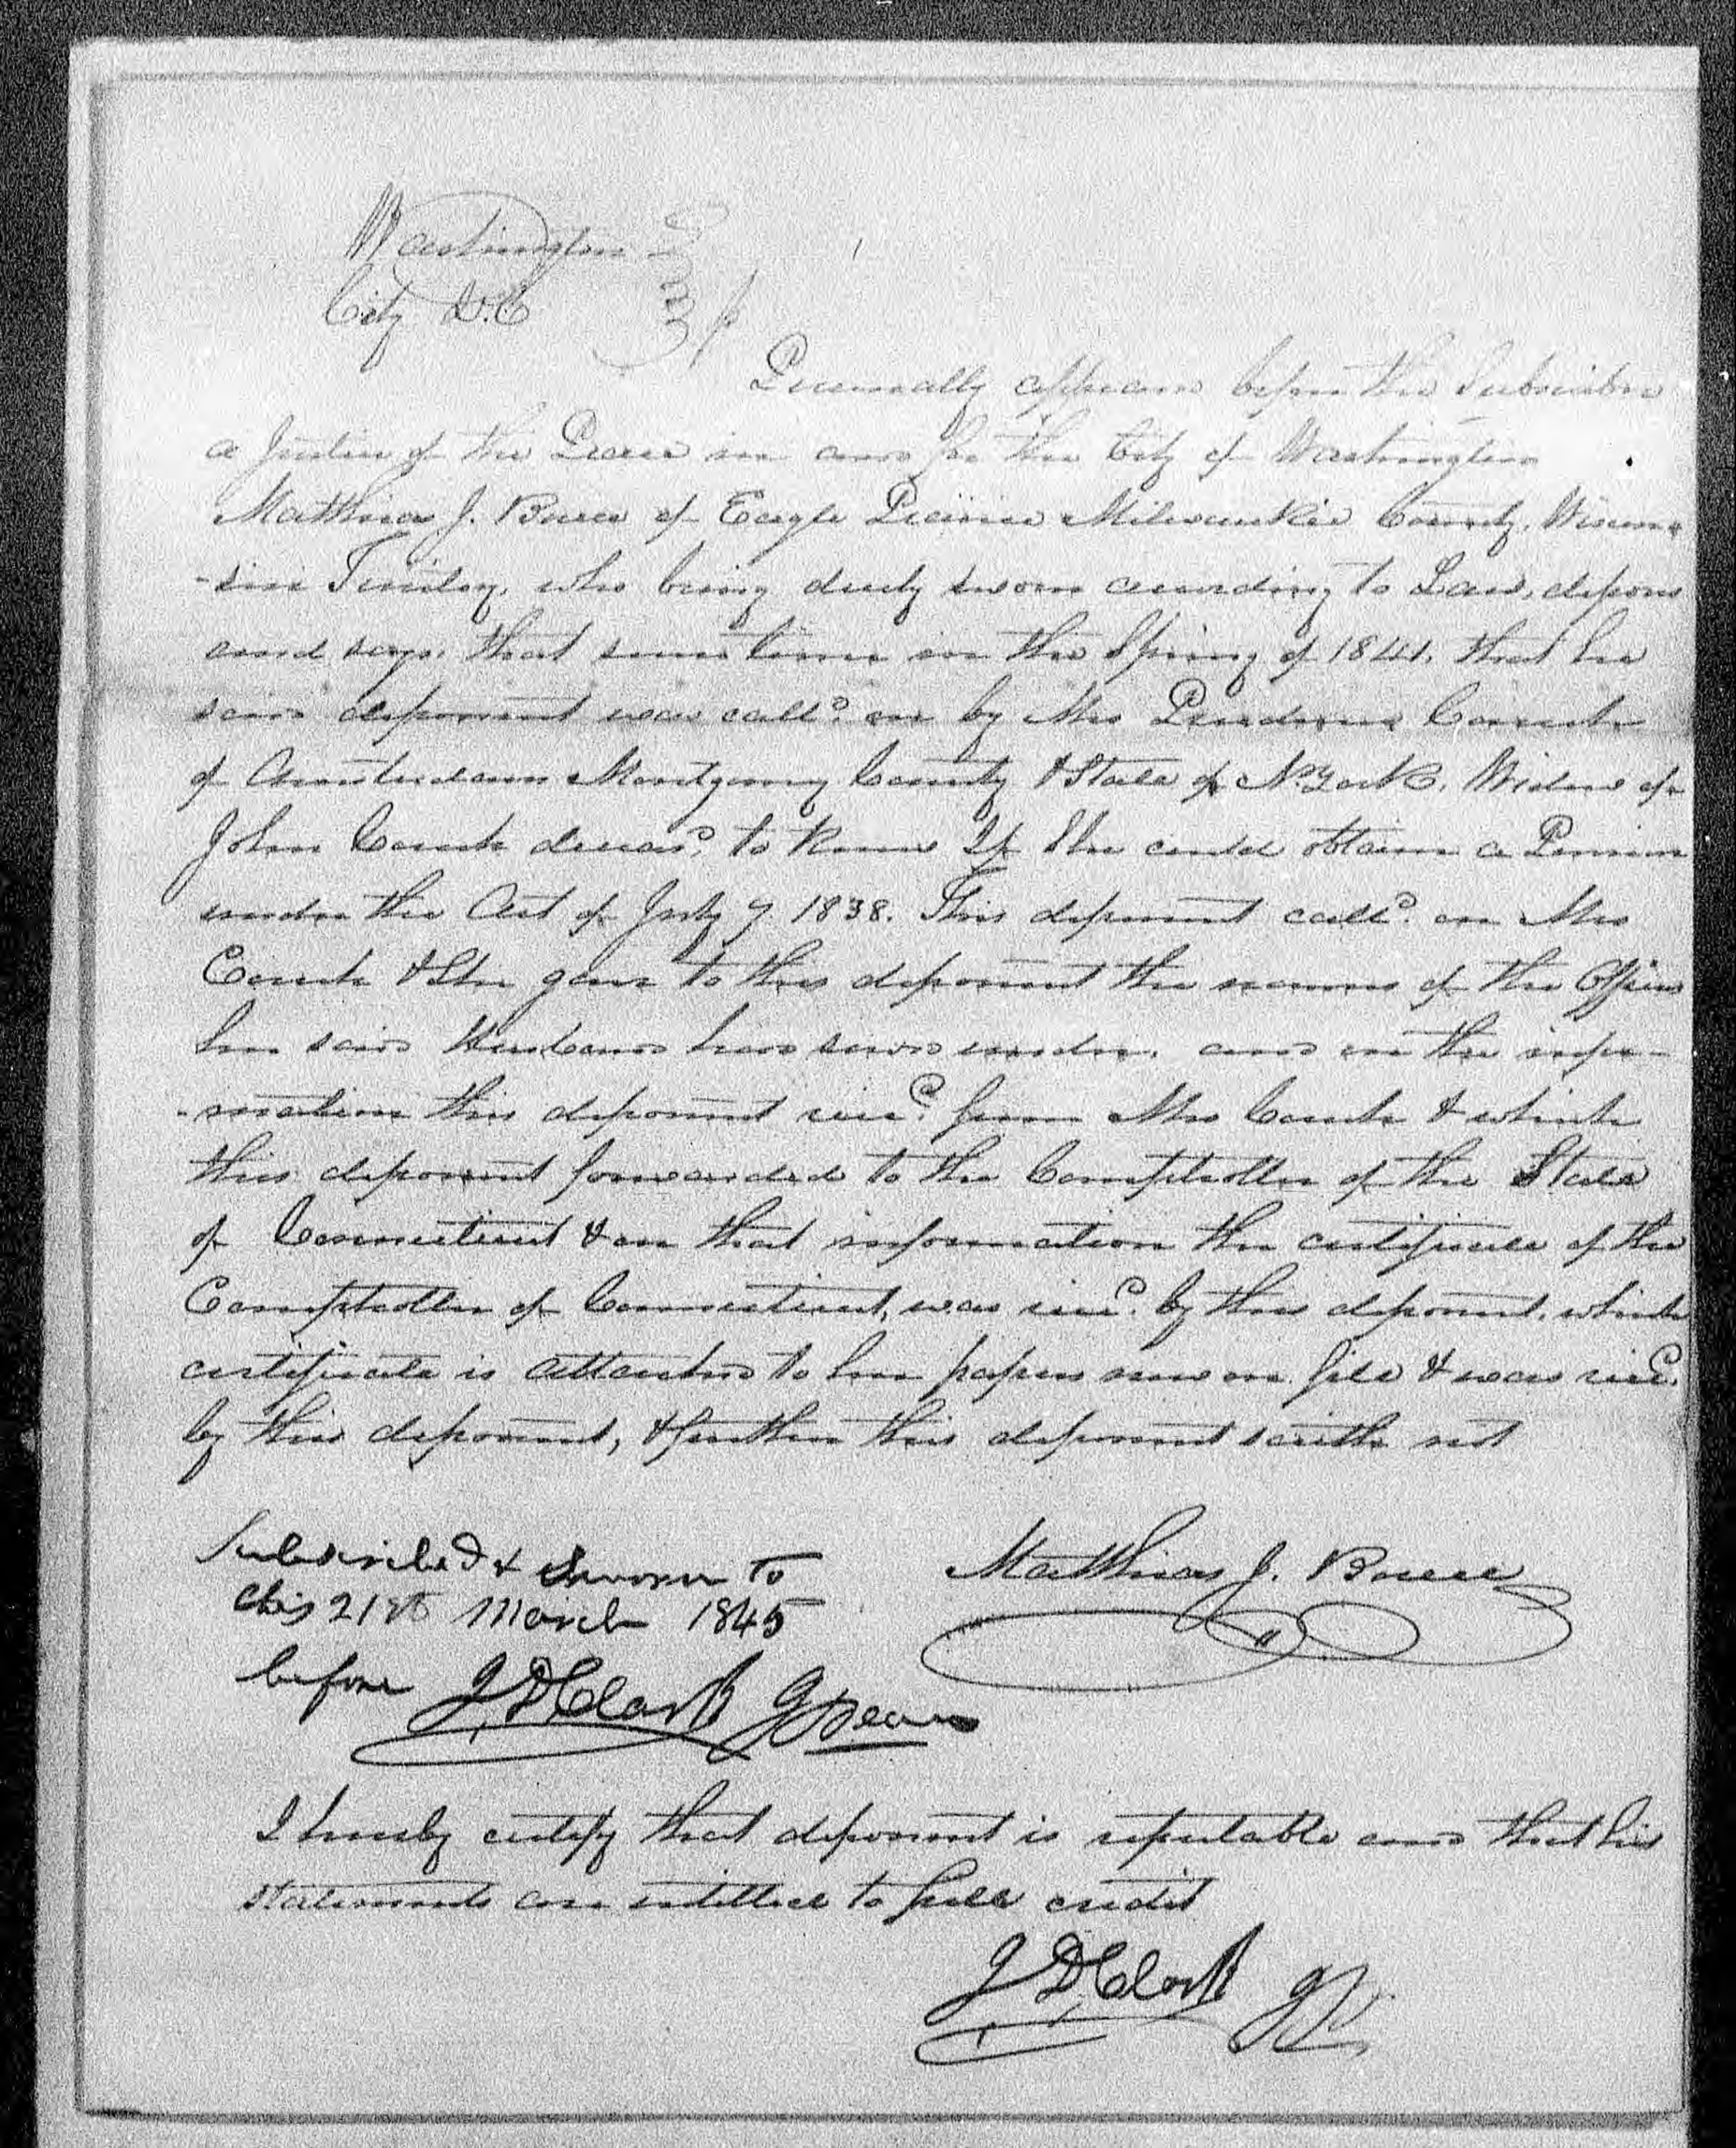Washington City D.C.

Personally appeared before the Subscriber a Justice of the Peace in and for the City of Washington Matthias J. Bove of Eagle Prairie Milwaukee County, Wisconsin Territory, who being duly sworn according to the Law, deposes and says that some time in the Spring of 1841, that this said deponent was was called on by Mrs. Prudence Couch of Amsterdam, Montgomery County State of N. York. Widow of a John Couch deceased to know if she could obtain a Pension under the Act of July 7, 1838. This deponent called on Mrs. Couch & she gave to this deponent the names of the officers her said husband had served under, and this information this deponent rec'd from Mrs. Couch & which this deponent forwarded to the Comptroller of the State of Connecticut & that information the certificate of the Comptroller of Connecticut, was rec'd. by this deponent, which certificate is attached to her papers and on file & received by this department, & further this deponent saith not.
Matthias B. Bovee
Subscribed & Sworn to this 21st March 1845 before J.D. Clark J of Peace
I hereby certify that deponent is reputable and that his statements are entitled to full credit.
J.D. Clark JP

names: John Couch, J D Clark, Couch, Couch, Matthias J Bovee, Matthias J Bovee, Prudence Couch, J D Clark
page: 64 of 68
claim: rejected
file: R. 2,360, John Couch, Conn.